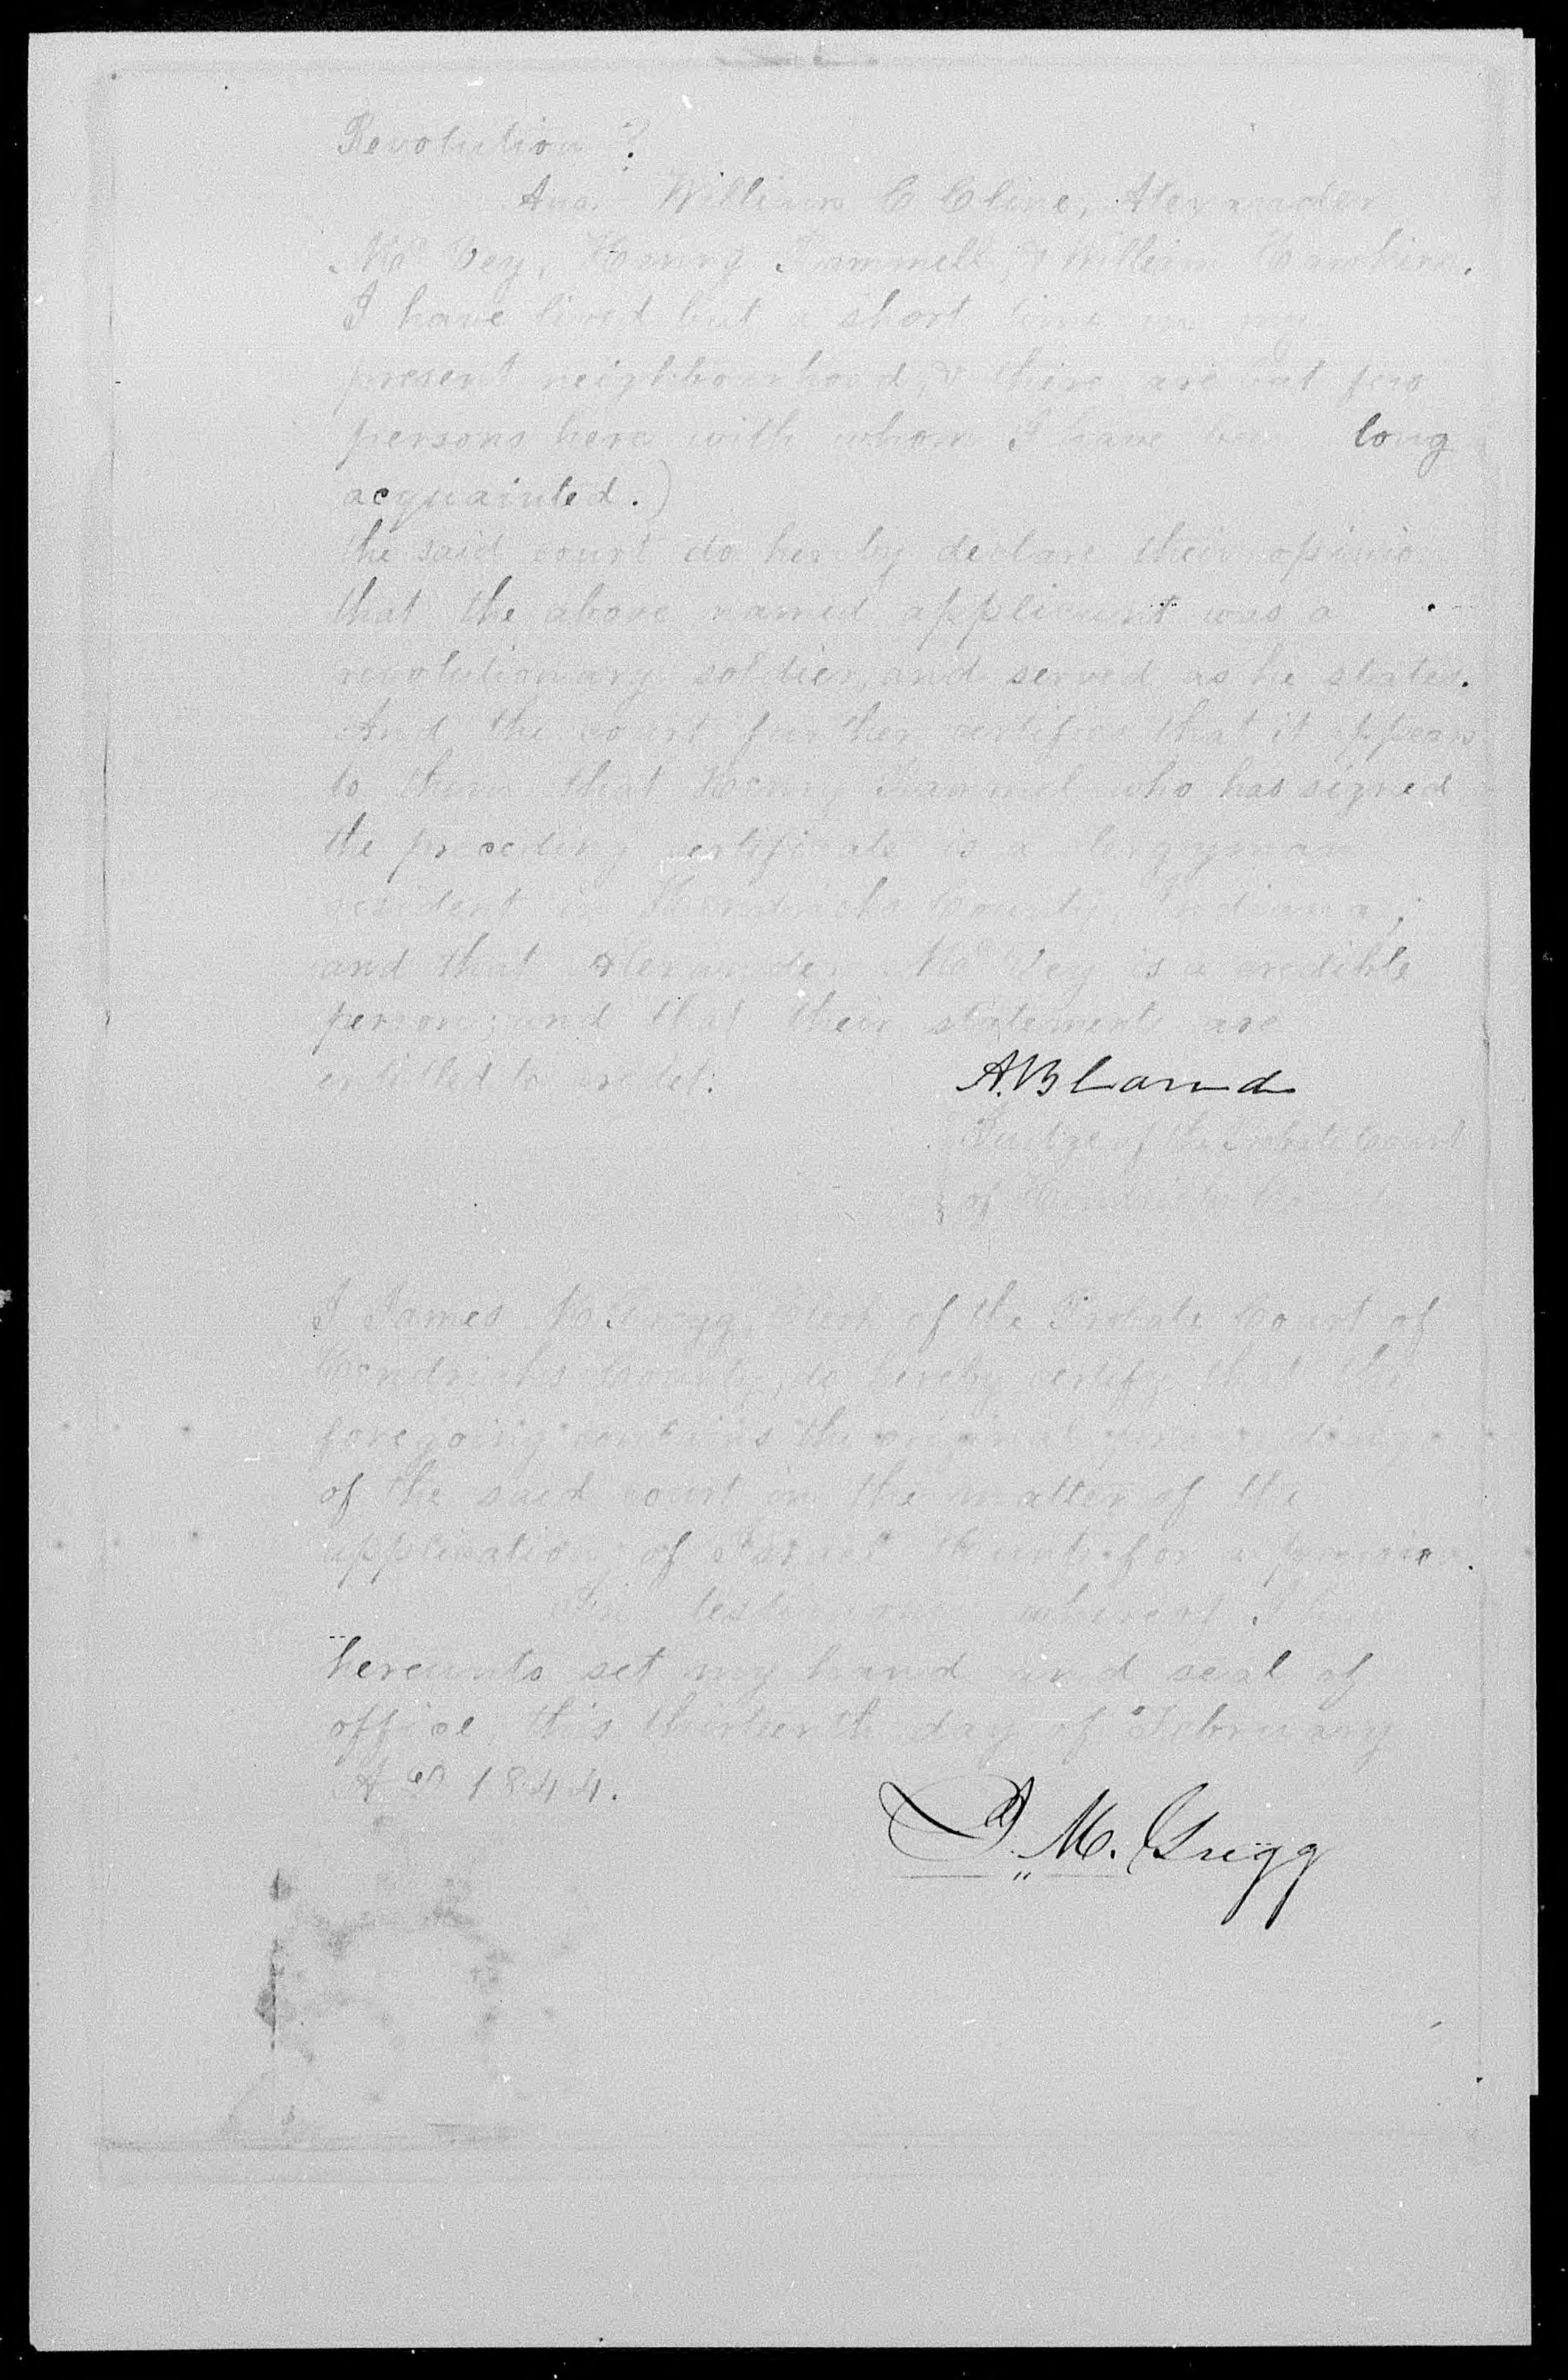Revolution?
Ans:  William C. Cline, Alexander McVey, Henry Scammel & William [illegible].  I have lived but a short time in my present neighborhood & there are but few persons here with whom I have become acquainted.

The said court do hereby declare their opinion that the above named applicant was a revolutionary soldier and service as he states. And the court further certifies that it appears to them that Henry Scammel who has signed the preceding certificate is a clergyman & resident in Hendrick County, Indiana and that Alexander McVey is a credible person and that their statements are entitled to credit. 
A. B. Land
Judge of the Probate Cout of Hendrick County

I, James M. Gregg, Clerk of the Probate Court of Hendrick County, do hereby certify that the forgoing contains the original proceedings & doings of the said court in the matter of the application of Israel Hunt for a pension.
In testimony whereof, I have hereunto set my hand and seal of office this thirteenth day of February A.D. 1844
J. M. Gregg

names: William C Cline; James W Gregg; A B Land; Henry Scammel; Alexander Mc Vey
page: 11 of 18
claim: rejected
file: R. 5393, for Israel Hunt, New Jersey